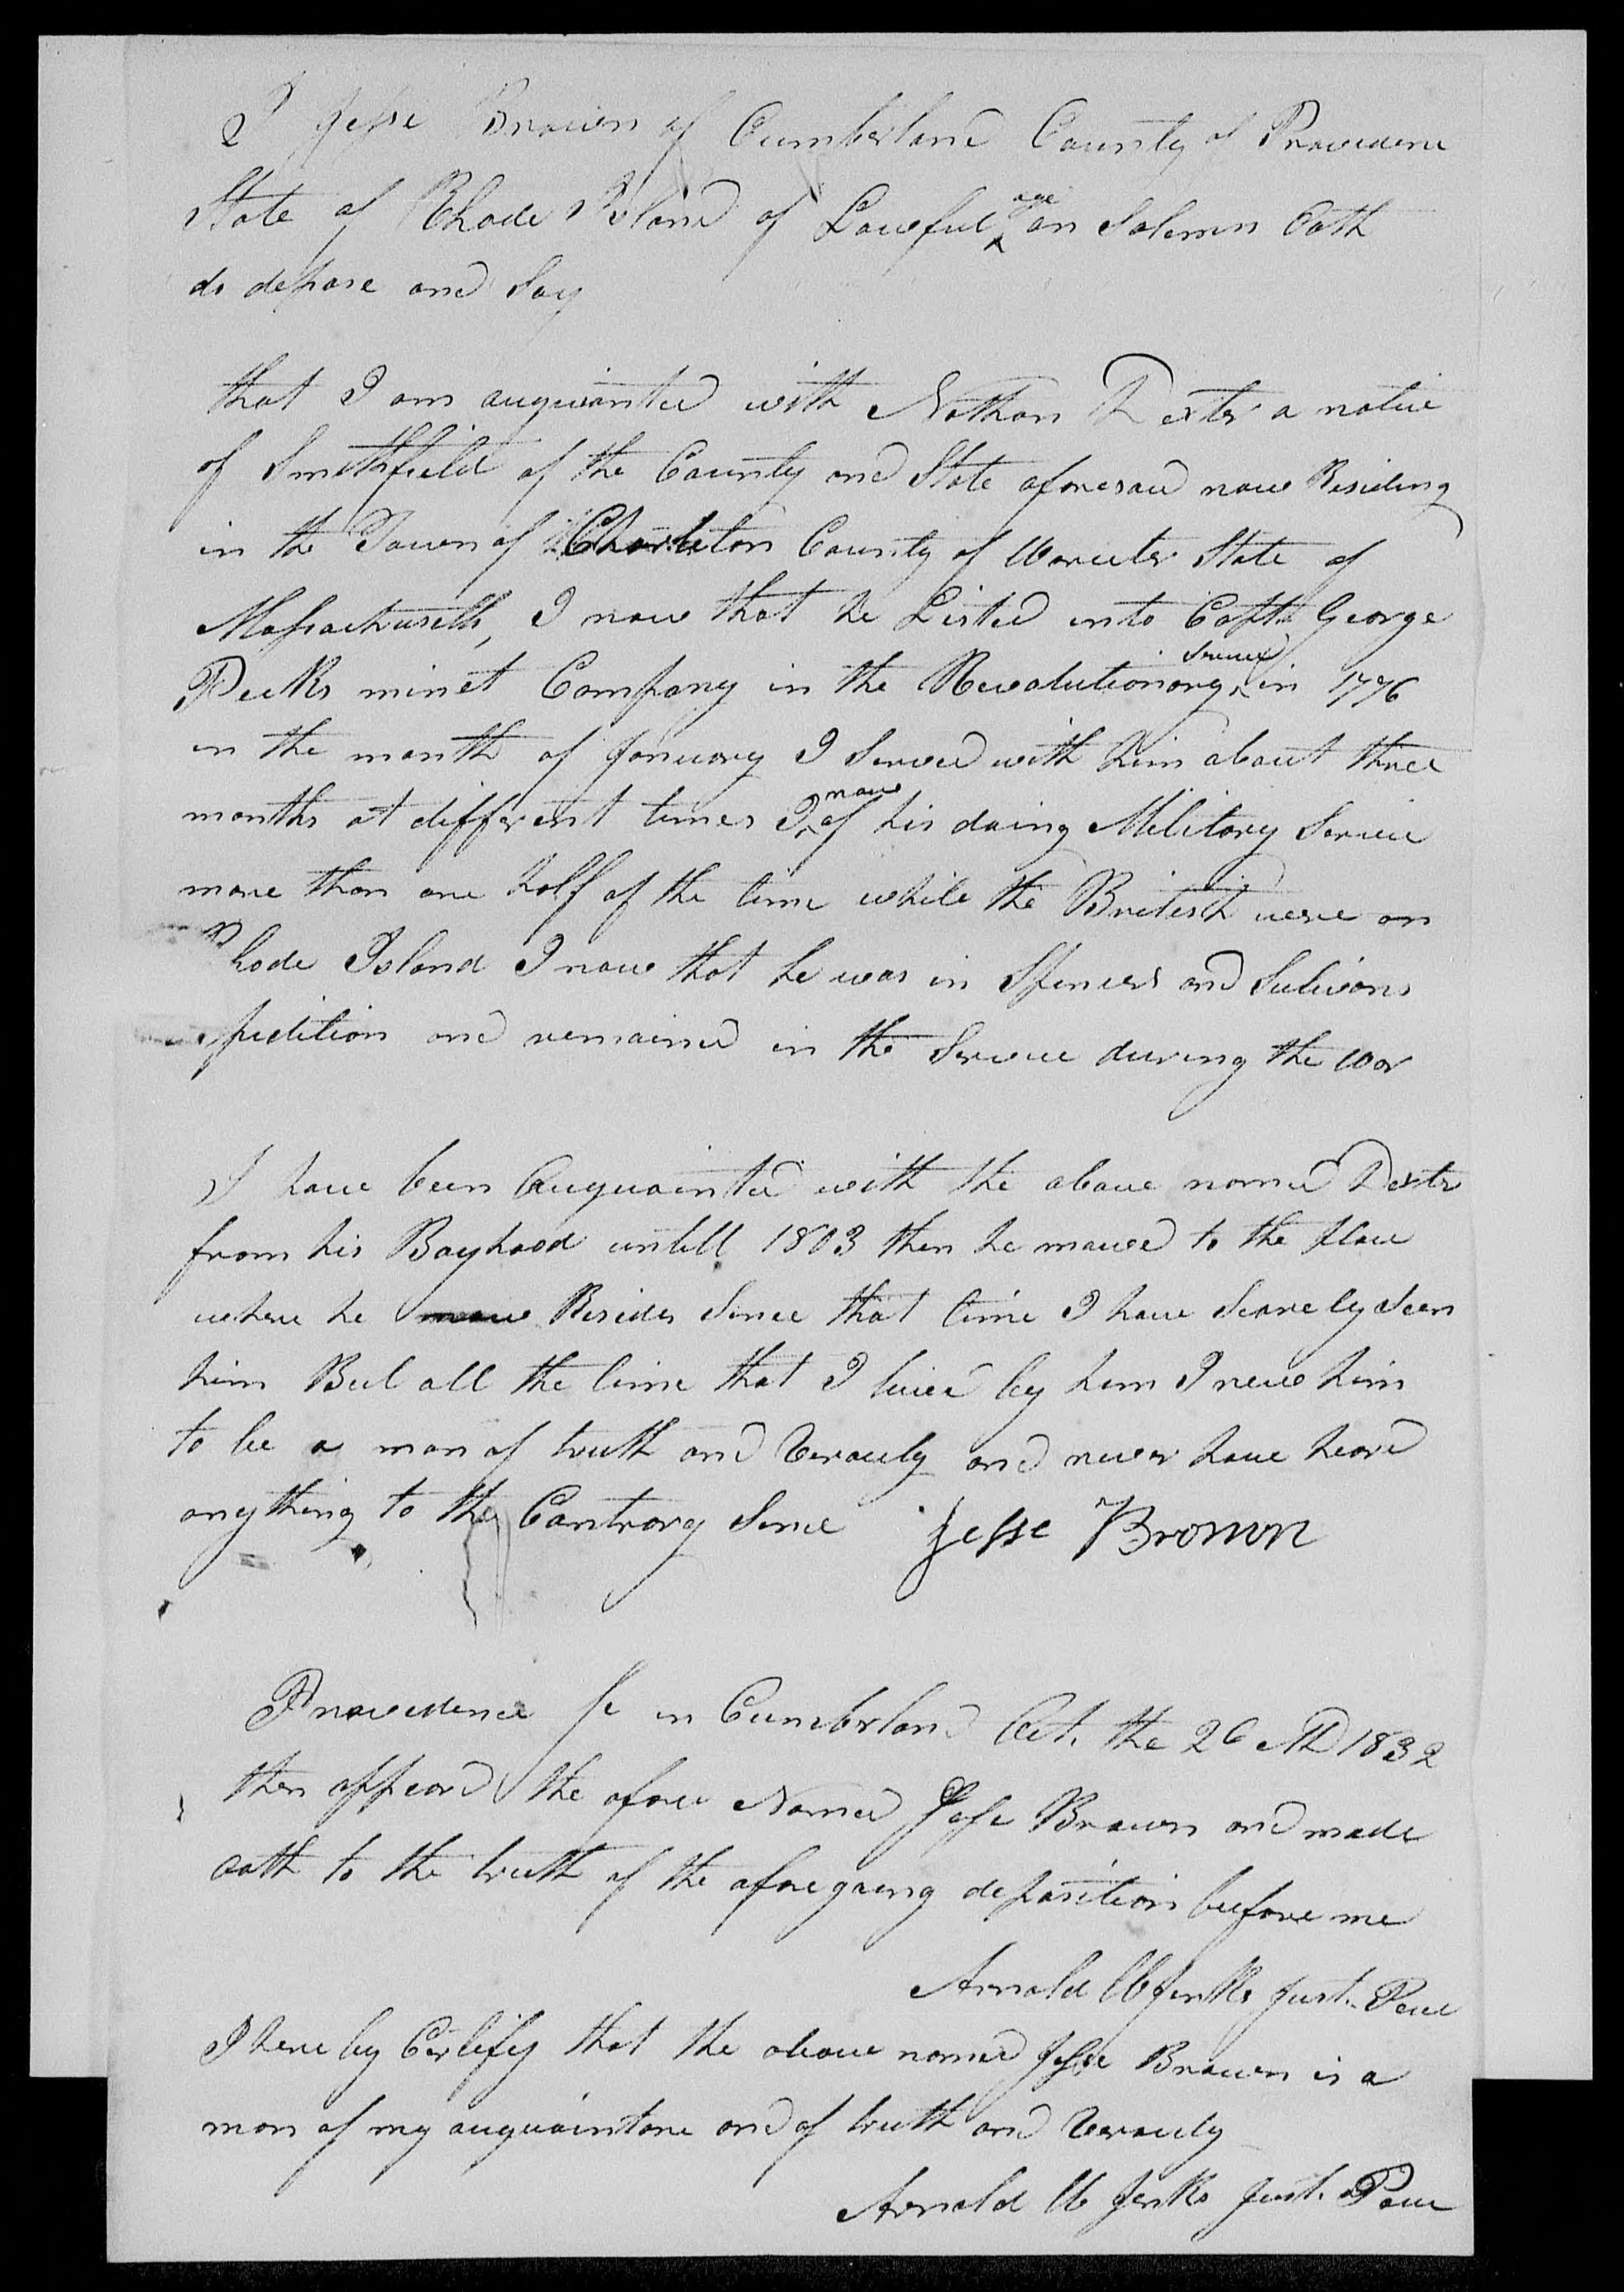I Jesse Brown of Cumberland County of Providence State of Rhode Island of Lawful age on Solemn Oath do depose and say
that I am acquainted with Nathan Dexter a native of Smithfield of the County and State aforesaid now Residing in the Town of Charleton County of Worcester State of Massachusetts, I now [know] that he Listed [enlisted] into Capt. George Peck's minet [Minuit] Company in the Revolutionary Service in 1776 in the month of January. I served with him about three months at different times. I now [know] of his doing Military Service more than one half of the time while the British were on Rhode Island. I now [know] that he was in Spencer's and Sulivan's [Sullivan's] expedition and remained in the Service during the war. 

I have been acquainted with the above named Dexter from his Boyhood untill 1803 then he moved to the place where he resides Since that time I have Scarcely Seen him But all the time that I lived by him I new [knew] him to be a man of truth and veracity and never have heard anything to the Contrary Since. Jesse Brown

Providence Sc in Cumberland Oct. the 26th AD 1832 then appeard [appeared] the afore named Jesse Brown and made oath to the truth of the aforegoing deposition before me Arnold W. Jenks Just. Peace

I hereby Certify that the above named Jesse Brown is a man of my acquaintance and of truth and veracity. Arnold W. Jenks Just. Peace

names: Jesse Brown, Arnold W Jenks, Arnold W Jenks, George Peck, Nathan Dexter, Jesse Brown, Jesse Brown, Dexter, Jesse Brown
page: 30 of 35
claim: survivor's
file: S. 18374, Nathan Dexter, R.I.